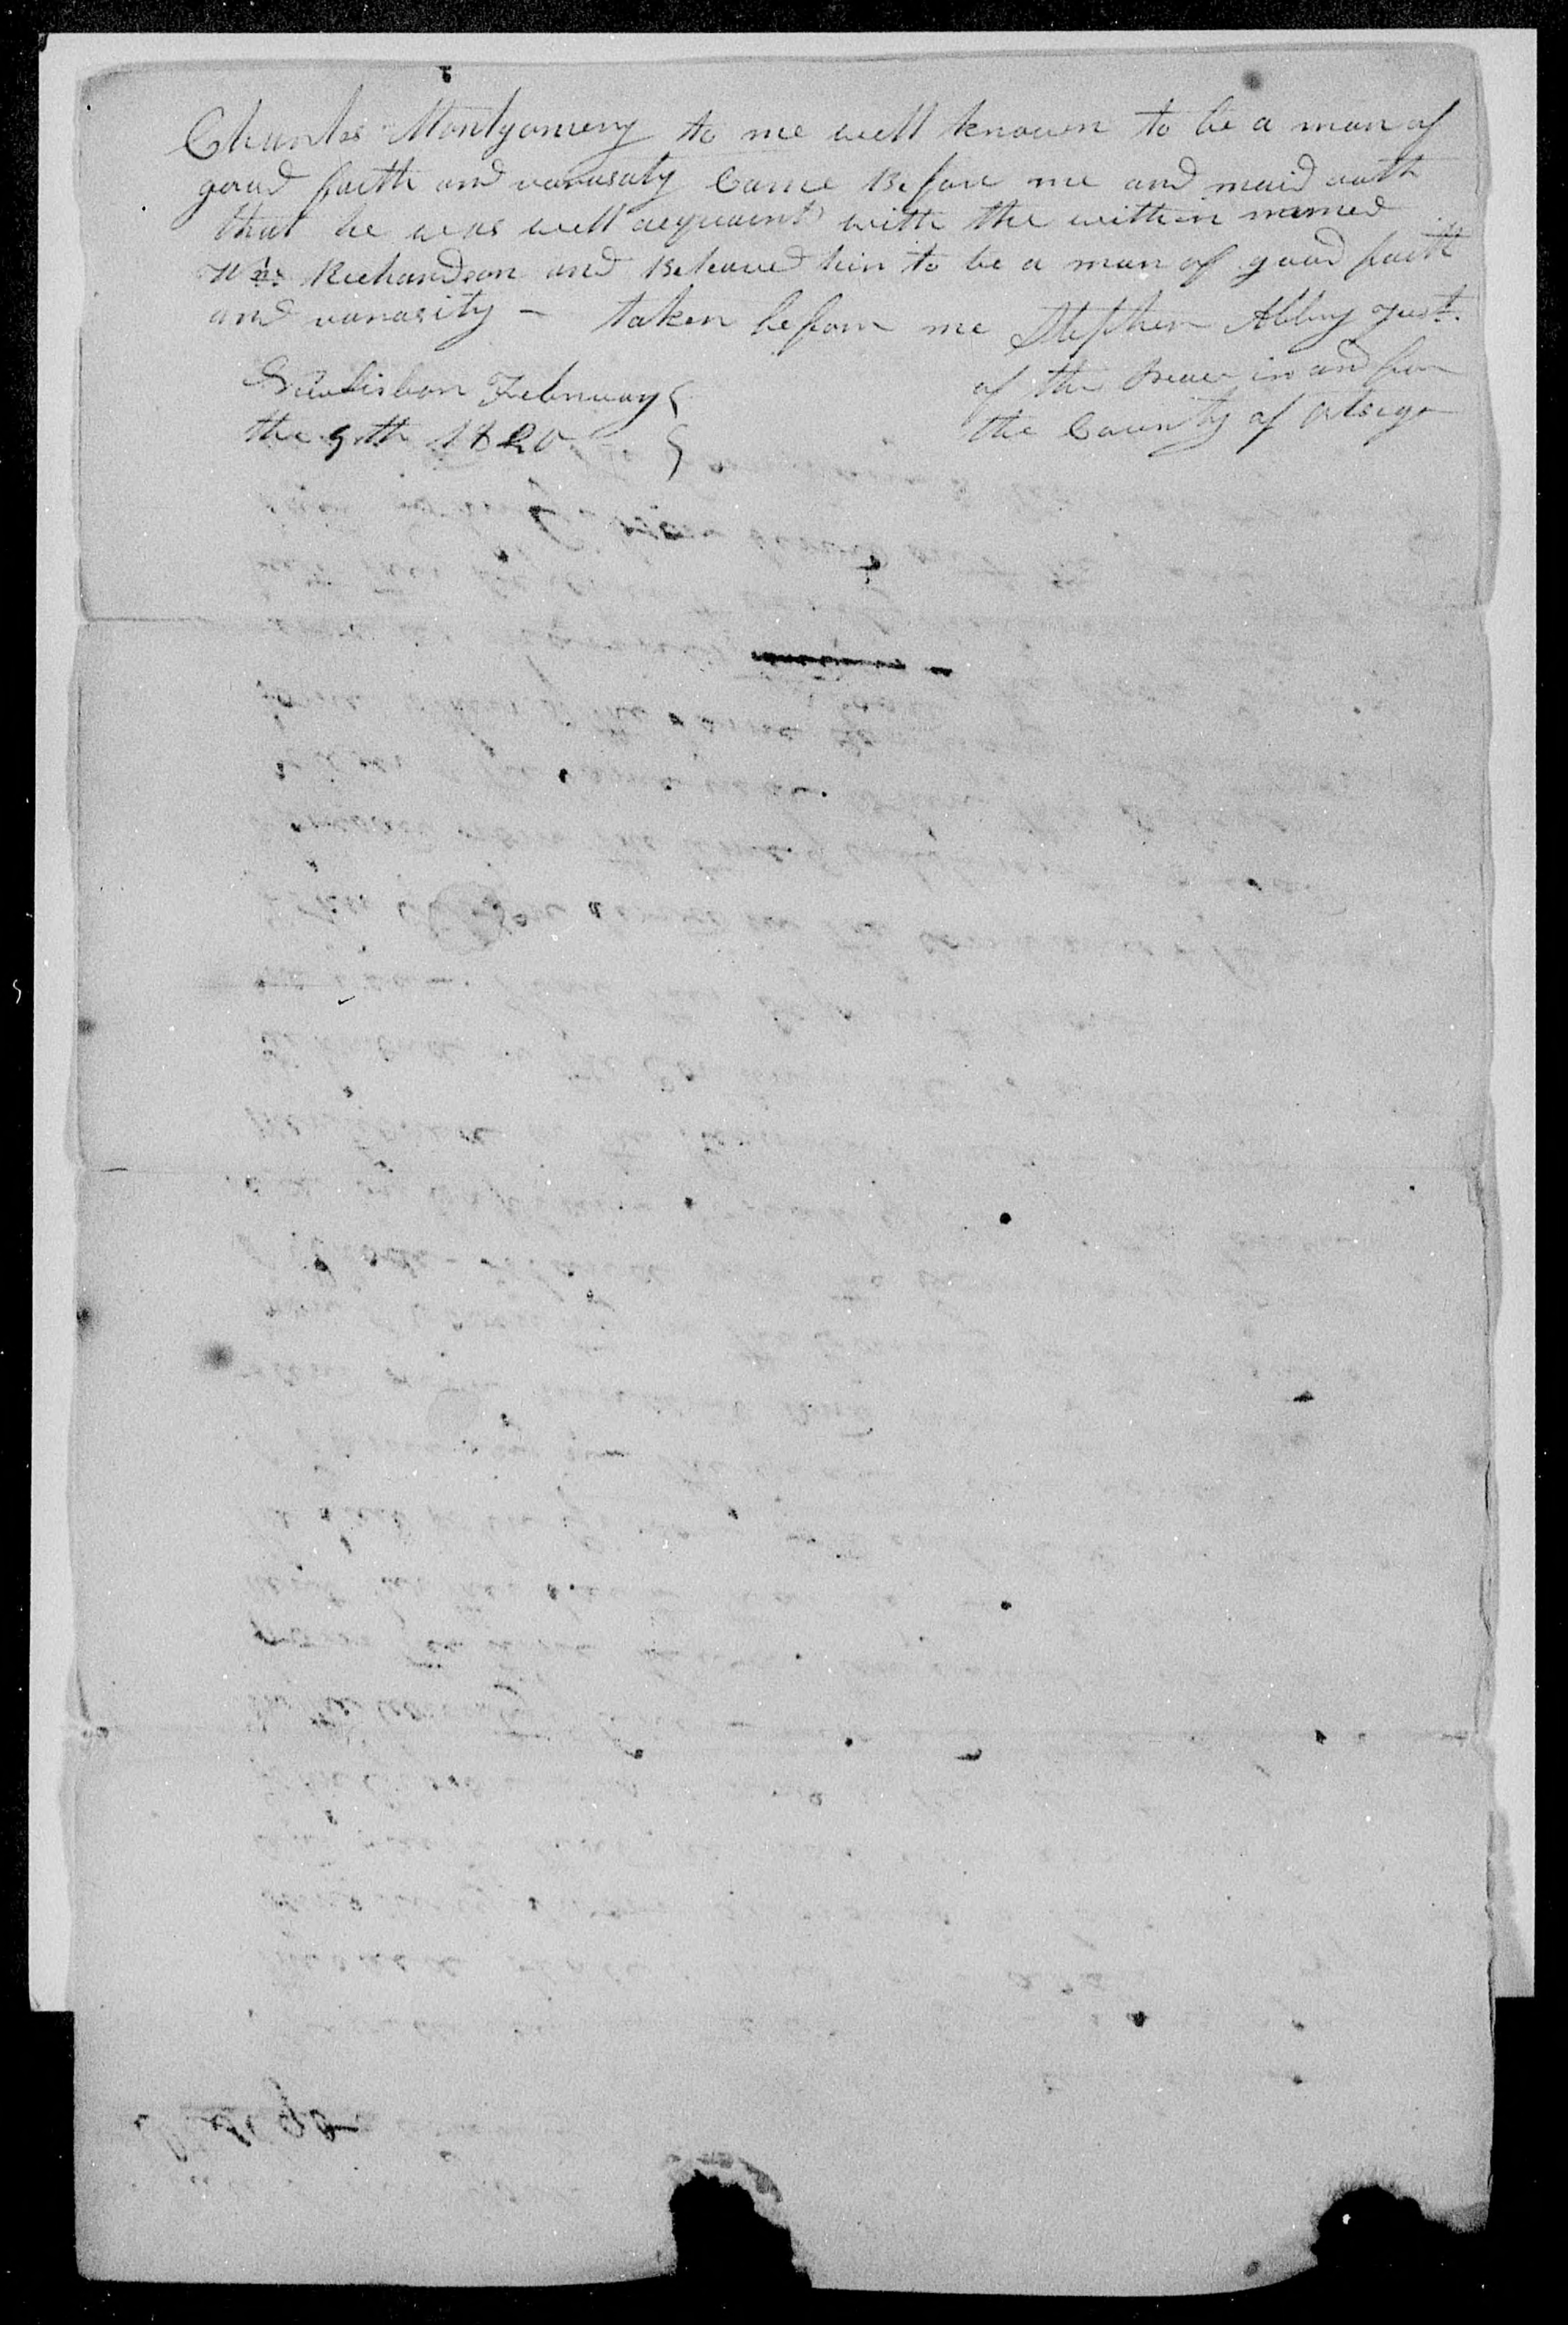Charles Montgomery to me well known to be a man of good faith and varasaty [veracity] came before me and maid [made] oath that he was well acquainted with the within named Wm Richardson and believed him to be a man of good faith and varasity [veracity] - taken before me 
Stephen Abbey Justice of the Peace in and for the County of Otsego

New Lisbon February the 4th 1820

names: Charles Montgomery, Wm Richardson, Stephen Abbey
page: 16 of 32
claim: survivor's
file: S. 34899, John Gibson, R.I.